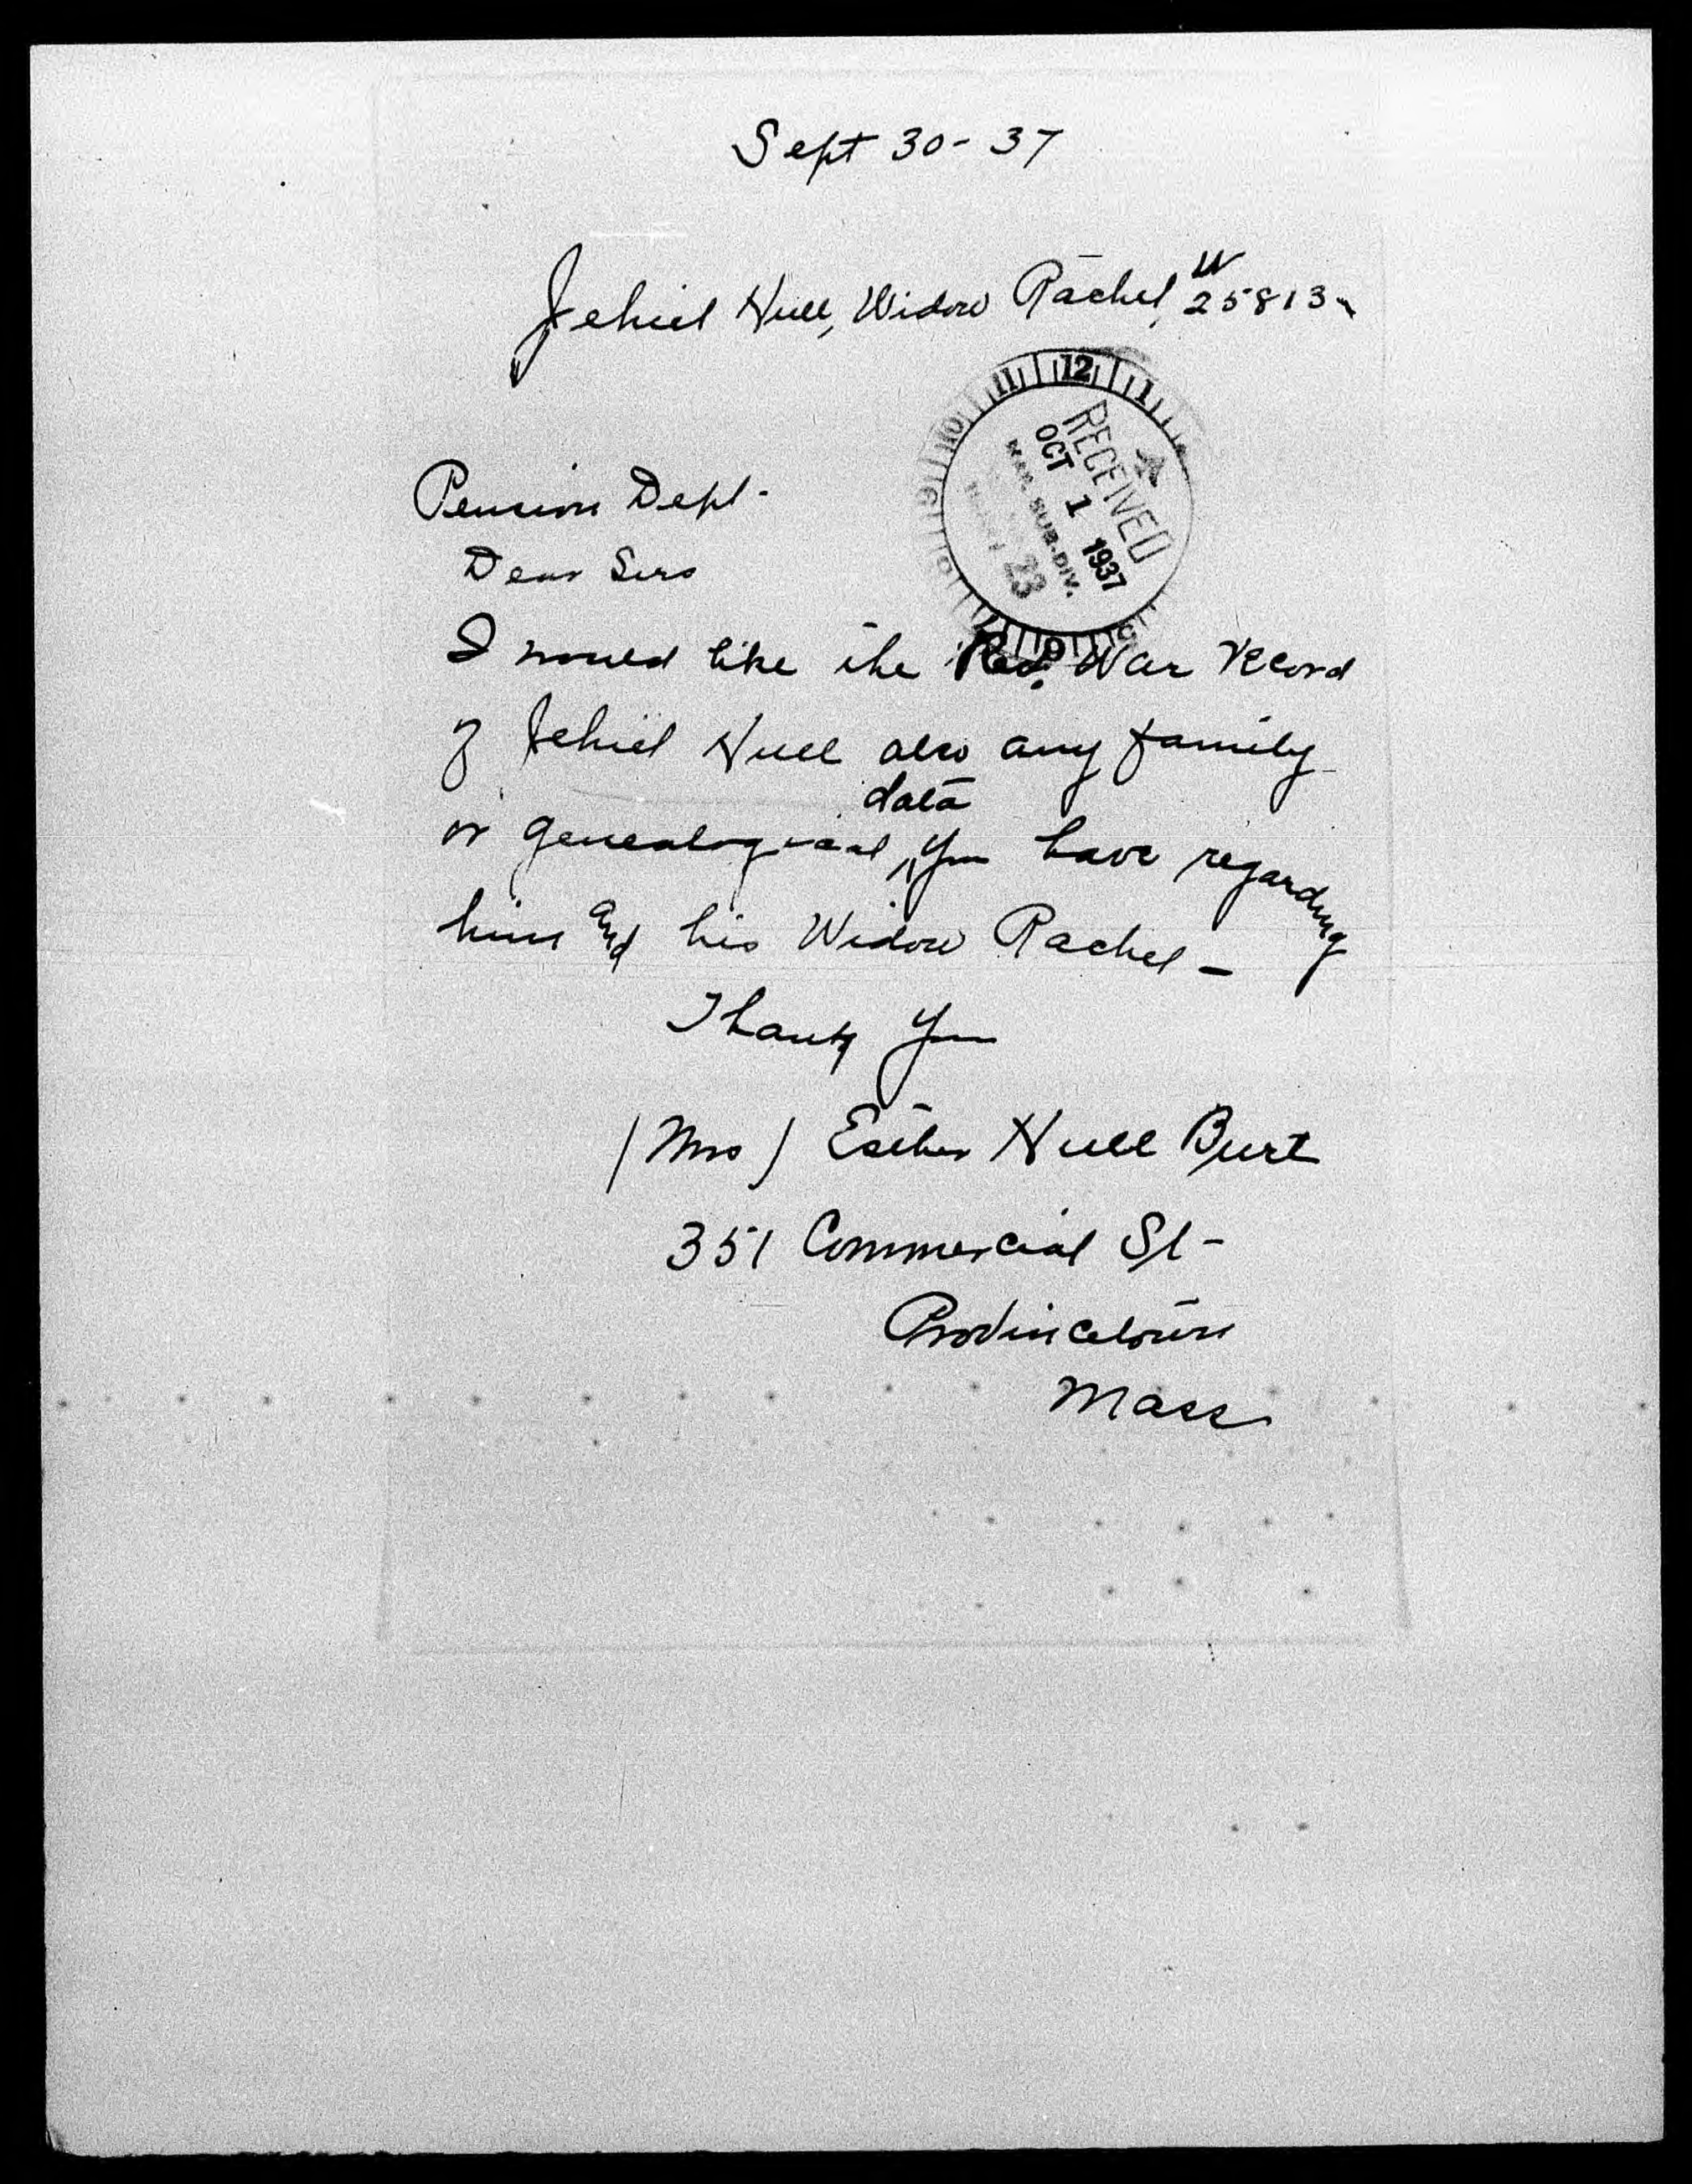Sept 30-37
Jehiel Hull, Widow Rachel W 25813

[Round "Received" stamp, Oct 1 1937 War Sub-Div (illegible) 23]

Pension Dept
Dear Sirs
I would like the Rev War record of
Jehiel Hull also any family
or genealogical data [written above/insert] you have regarding
him and his Widow Rachel -
Thank you
(Mrs) Esther Hull Burt
351 Commercial St 
Provincetown
Mass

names: Rachel Hull, Esther Hull Burt, Jehiel Hull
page: 51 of 58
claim: widow's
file: W. 25813, Jehiel Hull, Conn.